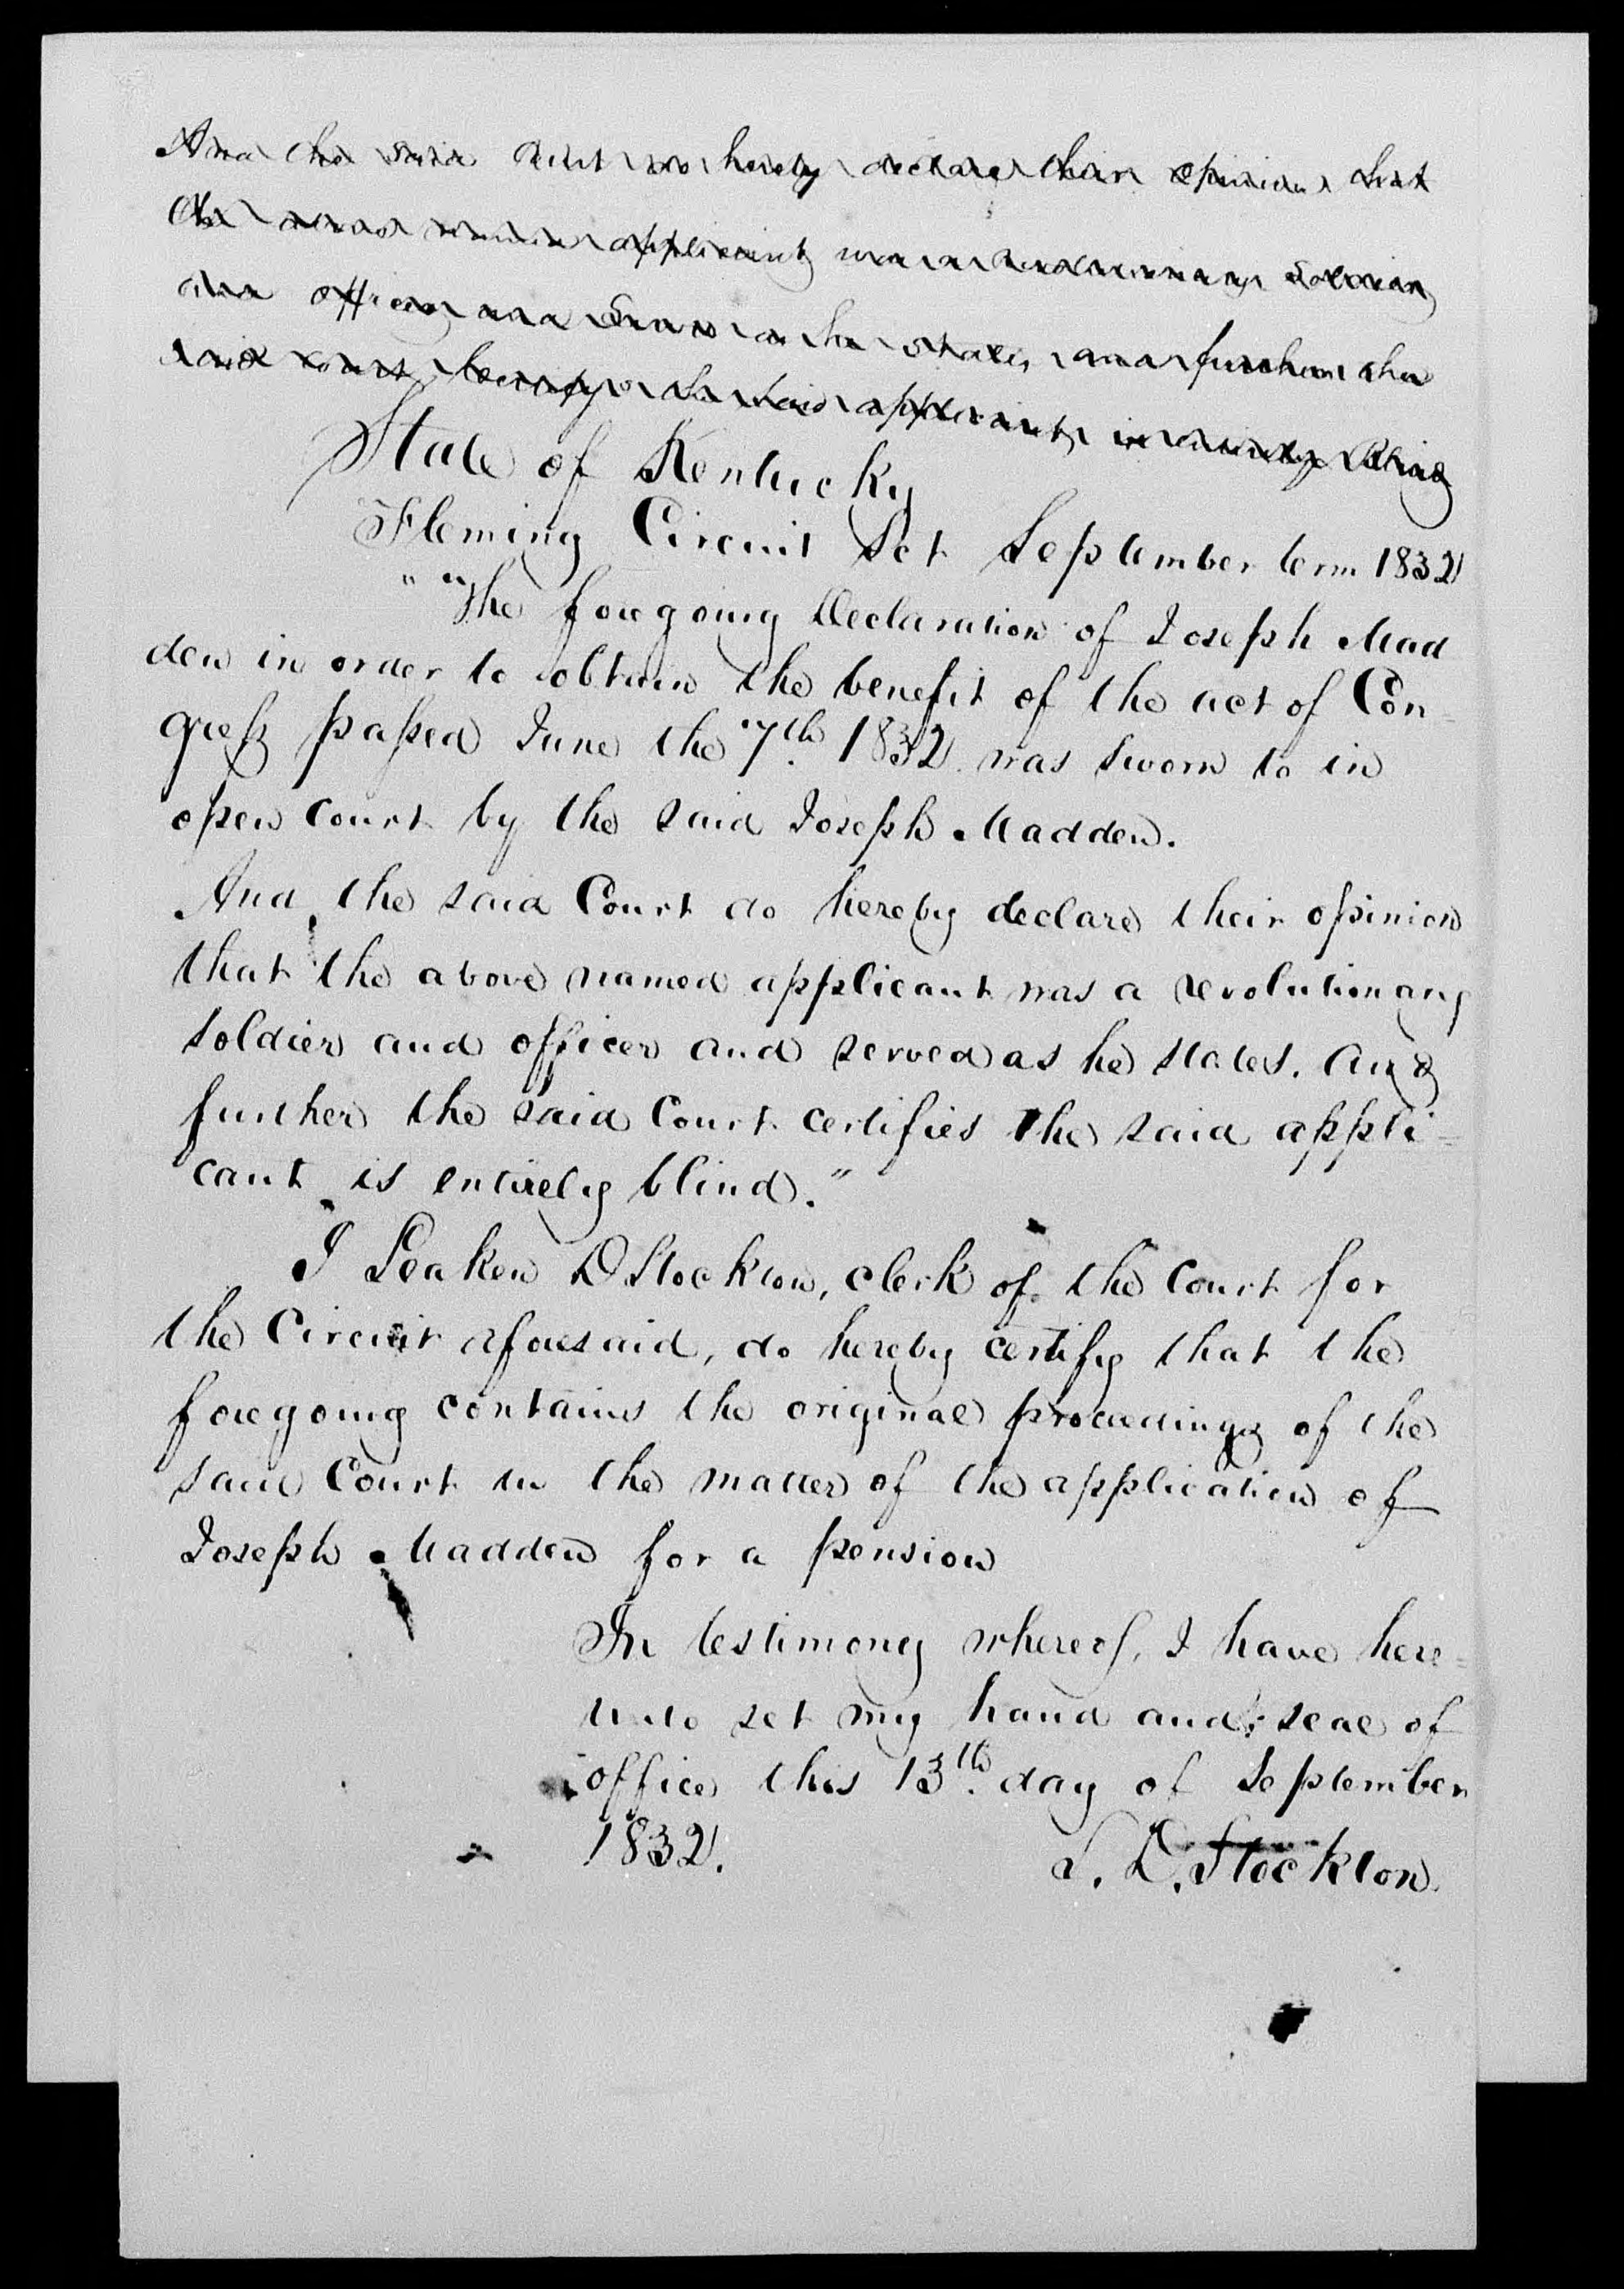[scribbled out]
State of Kentucky
Fleming Circuit Sct September term 1832
"The foregoing Declaration of Joseph Madden
in order to obtain the benefit of the act of Congress passed June the 7th 1837
---
Sworn to in
open Court by the said Joseph Madden
And the said Court do hereby declare their opinion
that the above named applicant was a revolutionary
Soldier and officer and served as he states. And
further the said Court certifies the said appli
cant is entirely blind
11
I Laken D Stockton, Clerk of the Court for
the Circuit aforesaid, do hereby certify that the
foregoing contains the original proceedings of the
said Court in the matter of the application of
Joseph Madden for a pension
In testimony whereof, I have here
unto set my hand and seal of
office this 13th day of September
1832.
L. D. Stockton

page: 5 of 14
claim: survivor's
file: S 31237, for Joseph Maddin, Maryland